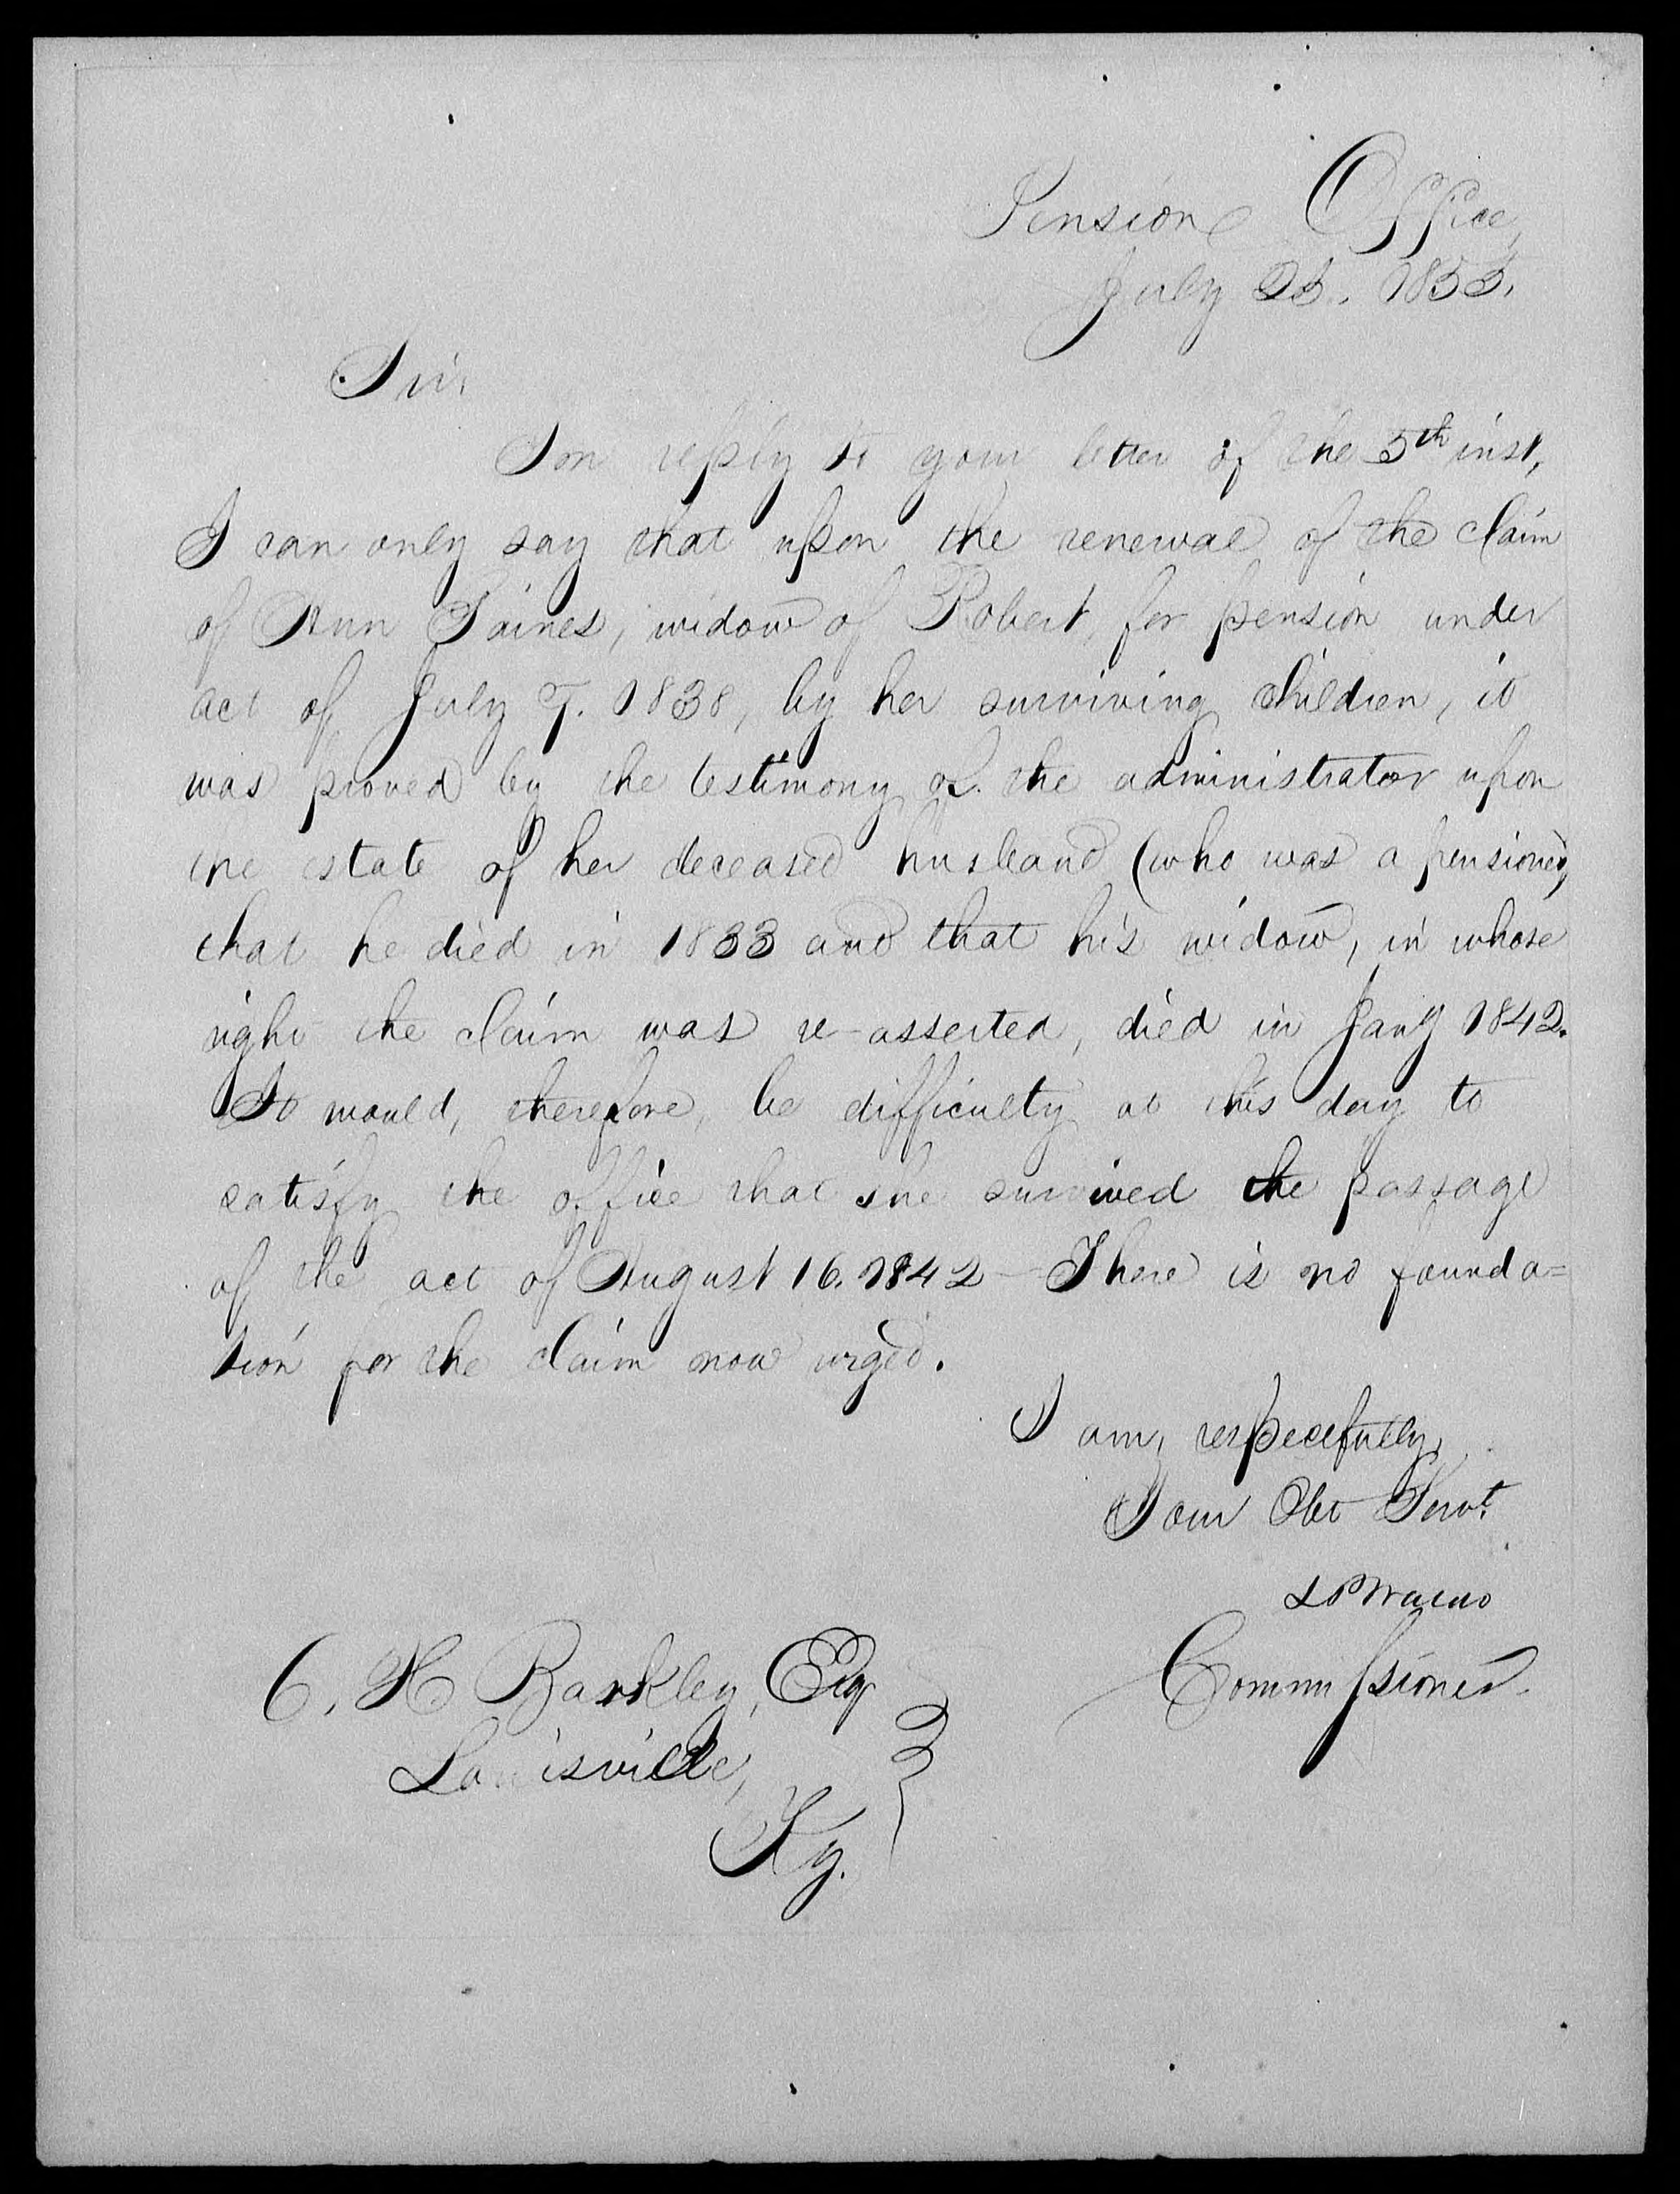Pension Office
July 28, 1853,
Sir
In reply to your letter of the 5th inst,
I can only say that upon the renewal of the claim
of Ann Gaines, widow of Robert for pension under
act of July 7. 1838, by her surviving children, it
was proved by the testimony of the administrator upon
the estate of her deceased husband (who was a pensioner)
that he died in 1833 and that his widow, in whose
right the claim was re-asserted, died in Jany 1842.
So would, therefore, be difficulty at this day to
satisfy the office that she survived the passage
of the act of August 16. 1842 - There is no foundation
for the claim now urged.
I am, respectfully,
Your Obt Servt
L P Waldo
Commissioner

C. H. Barkley, Esq
Louisville, 
Ky.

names: Robert, C H Barkley, L P Waldo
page: 68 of 79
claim: rejected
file: R. 3863, Robert Gaines, Va.